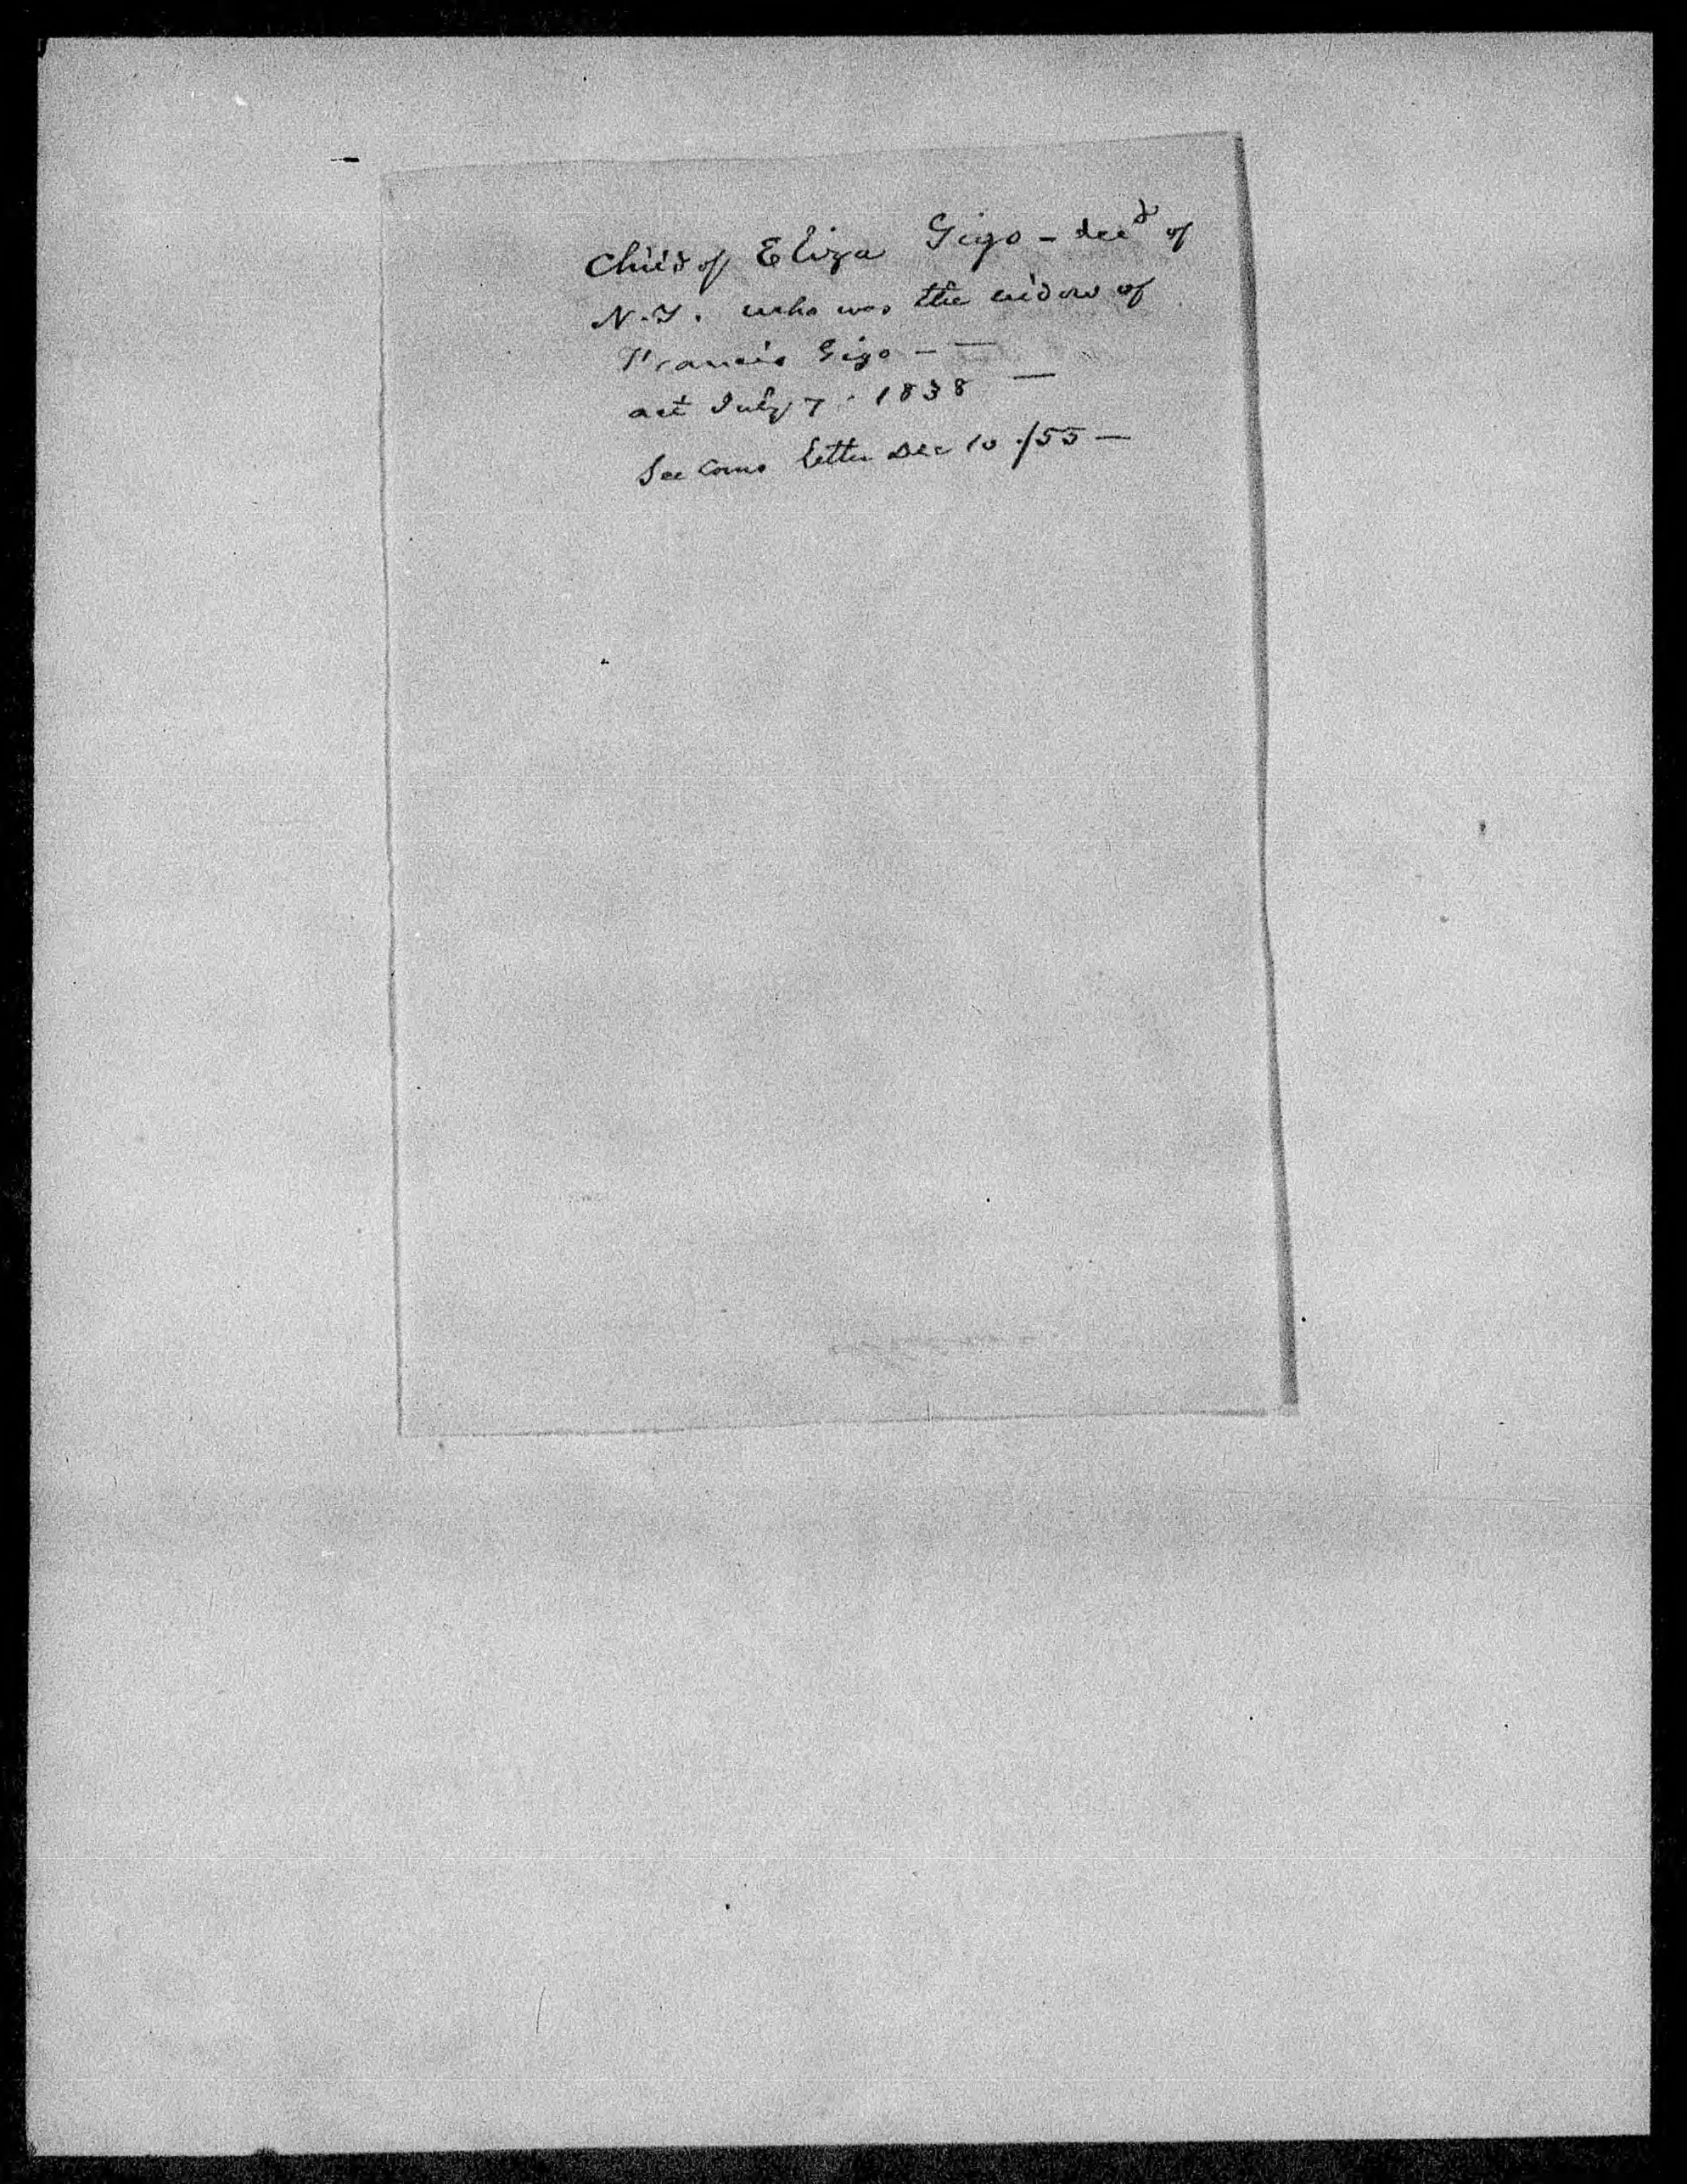Child of Eliza Gigo - decd
of N.Y. who was the widow of Francis Gigo -
act July 7, 1838
See court letter Dec 10./55 -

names: Francis Gigo, Eliza Gigo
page: 22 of 98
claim: widow's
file: W. 21182, Francis Gigo, Continental (Canadian)